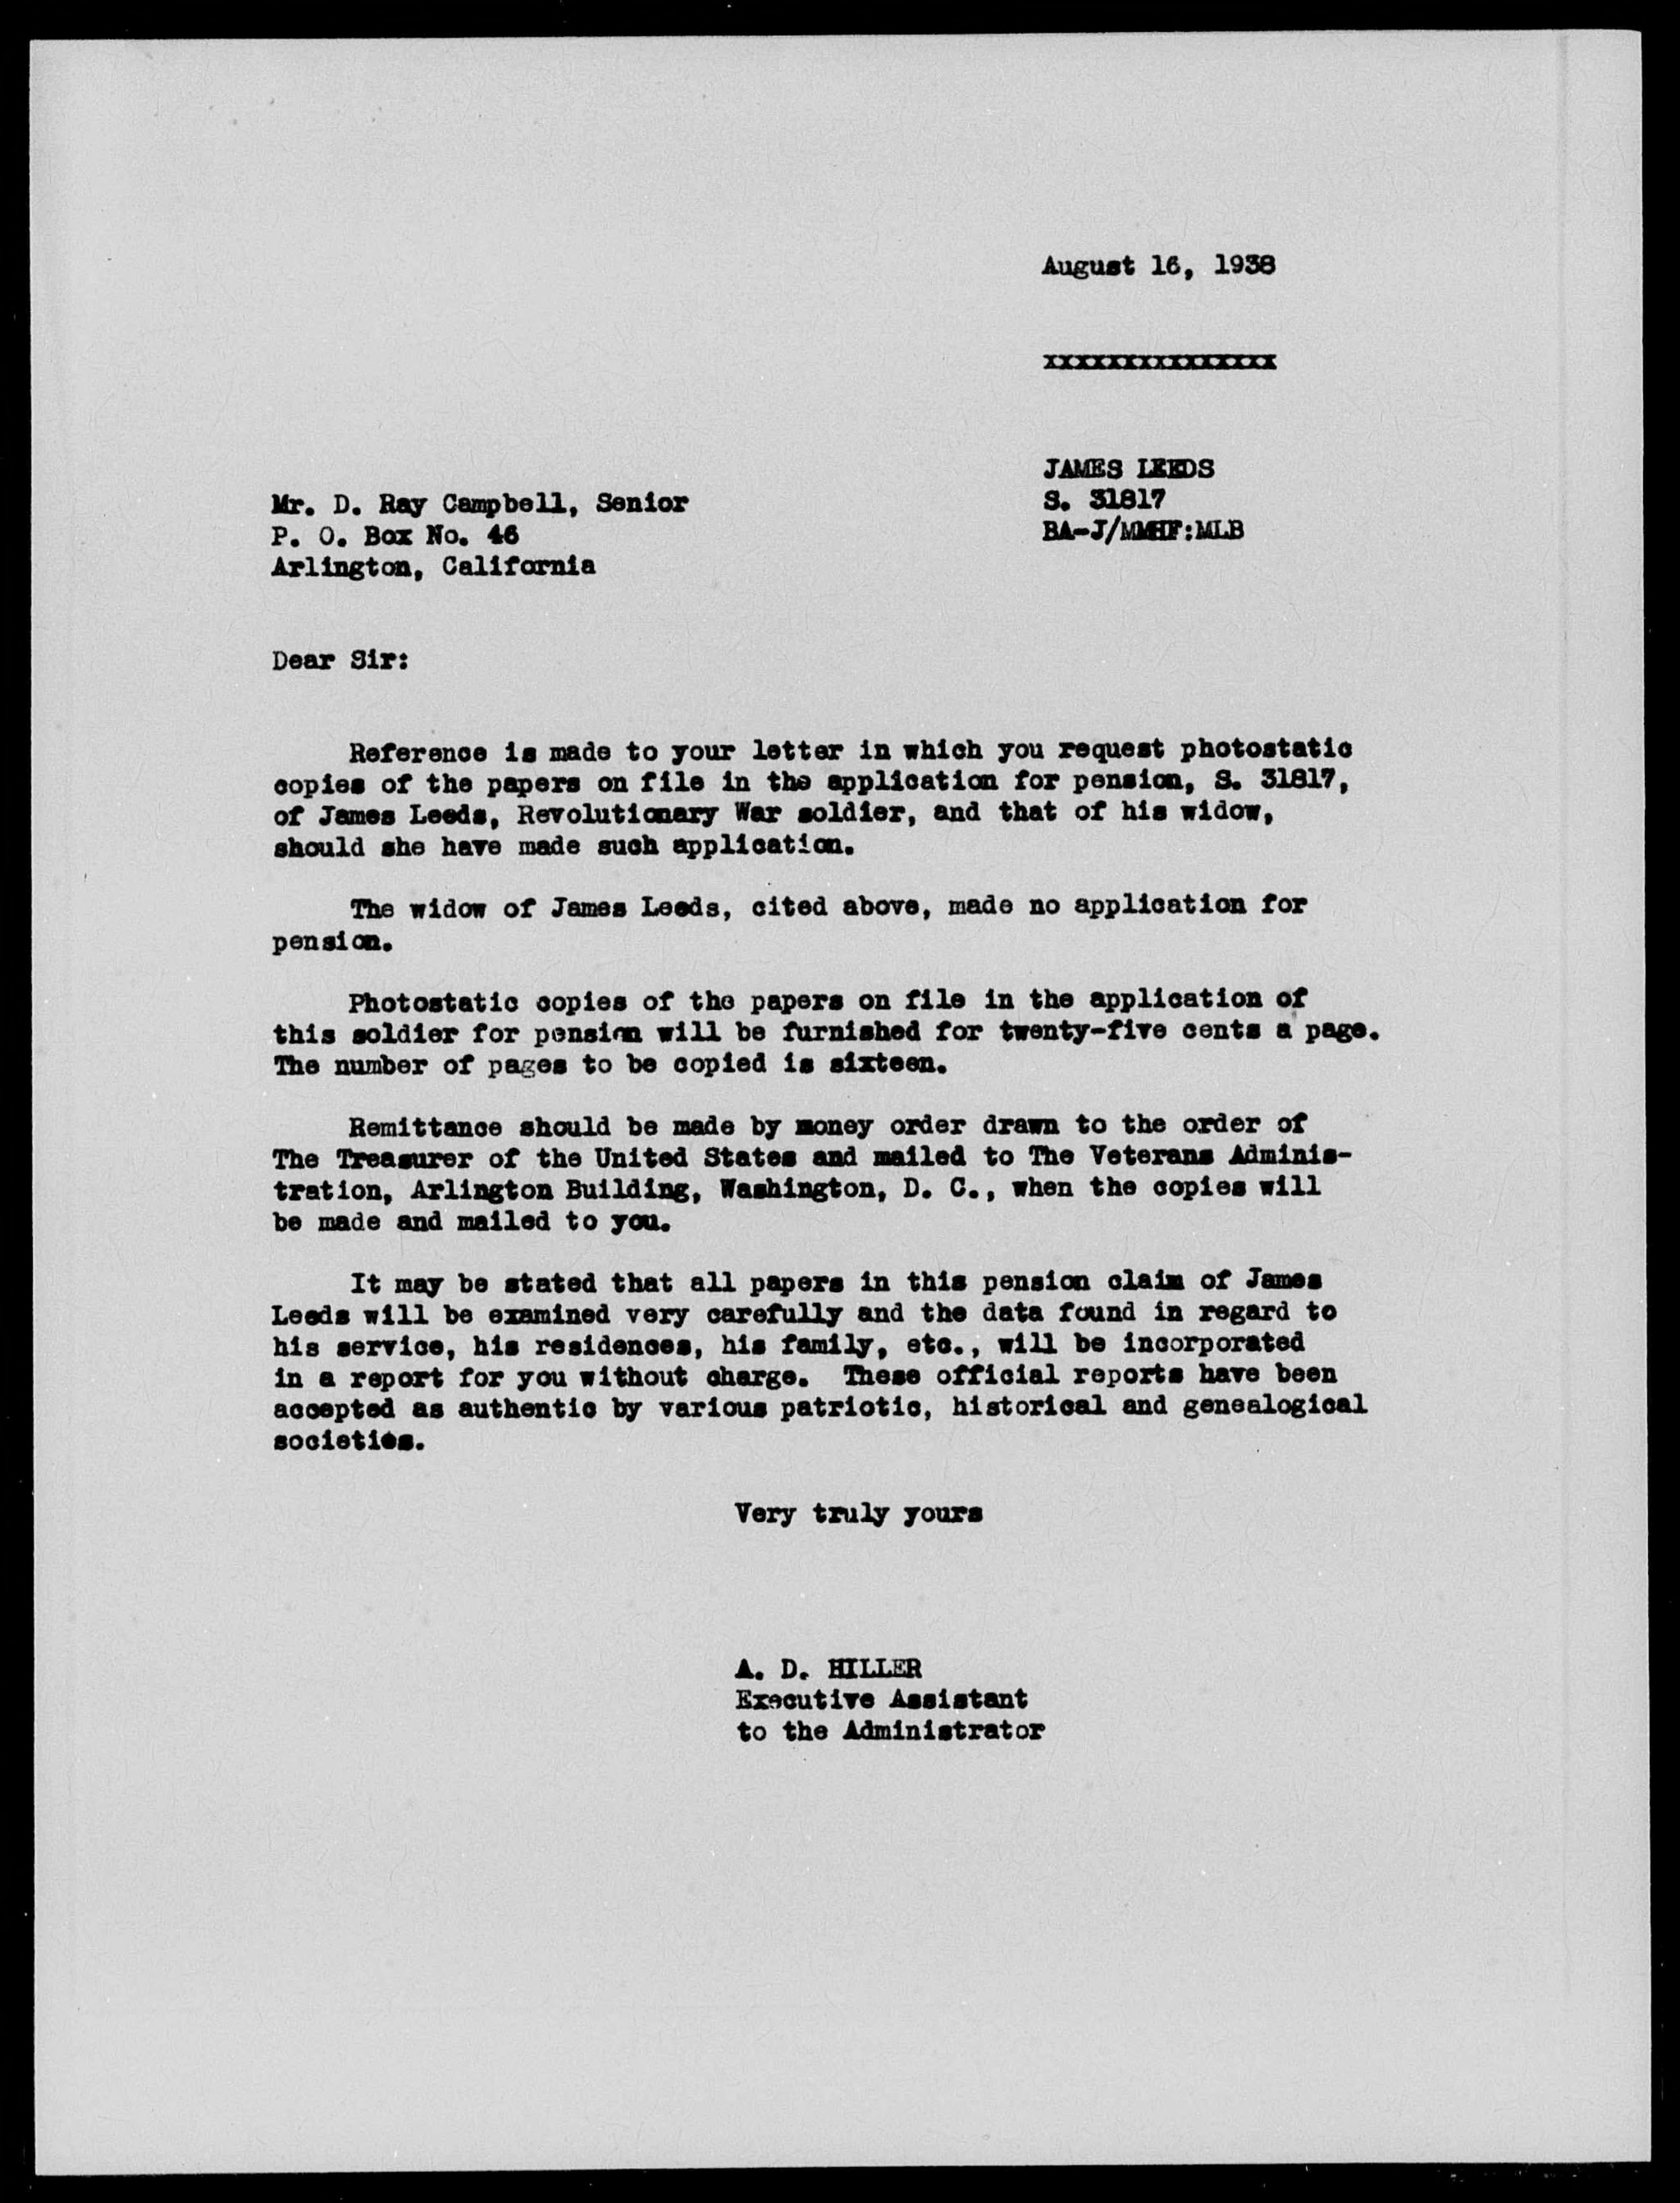August 16, 1938


xxxxxxxxxxxxxxxxx

JAMES LEEDS S. 31817 BA-J/MMHF:MLB

Mr. D. Ray Campbell, Senior
P.O. Box No. 46
Arlington, California

Dear Sir:

Reference is made to your letter in which you request photostatic copies of the papers on file in the application for pension, S. 31817, of James Leeds, Revolutionary War soldier, and that of his widow, should she have made such application.

The widow of James Leeds, cited above, made no application for pension.

Photostatic copies of the papers on file in the application of this soldier for pension will be furnished for twenty five cents a page. The number of pages to be copied is sixteen.

Remittance should be made by money order drawn to the order of The Treasurer of the United States and mailed to The Veterans Administration, Arlington Building, Washington, D.C., when the copies will be made and mailed to you.

It may be stated that all papers in this pension claim of James Leeds will be examined very carefully and the data found in regard to his service, his residences, his family, etc., will be incorporated in a report for you without charge. These official reports have been accepted as authentic by various patriotic, historical and genealogical societies.

Very truly yours
A.D. HILLER
Executive Assistant
to the Administrator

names: James Leeds; A D Hiller; D Ray Campbell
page: 17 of 38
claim: survivor's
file: S 31817, for James Leeds, New Jersey